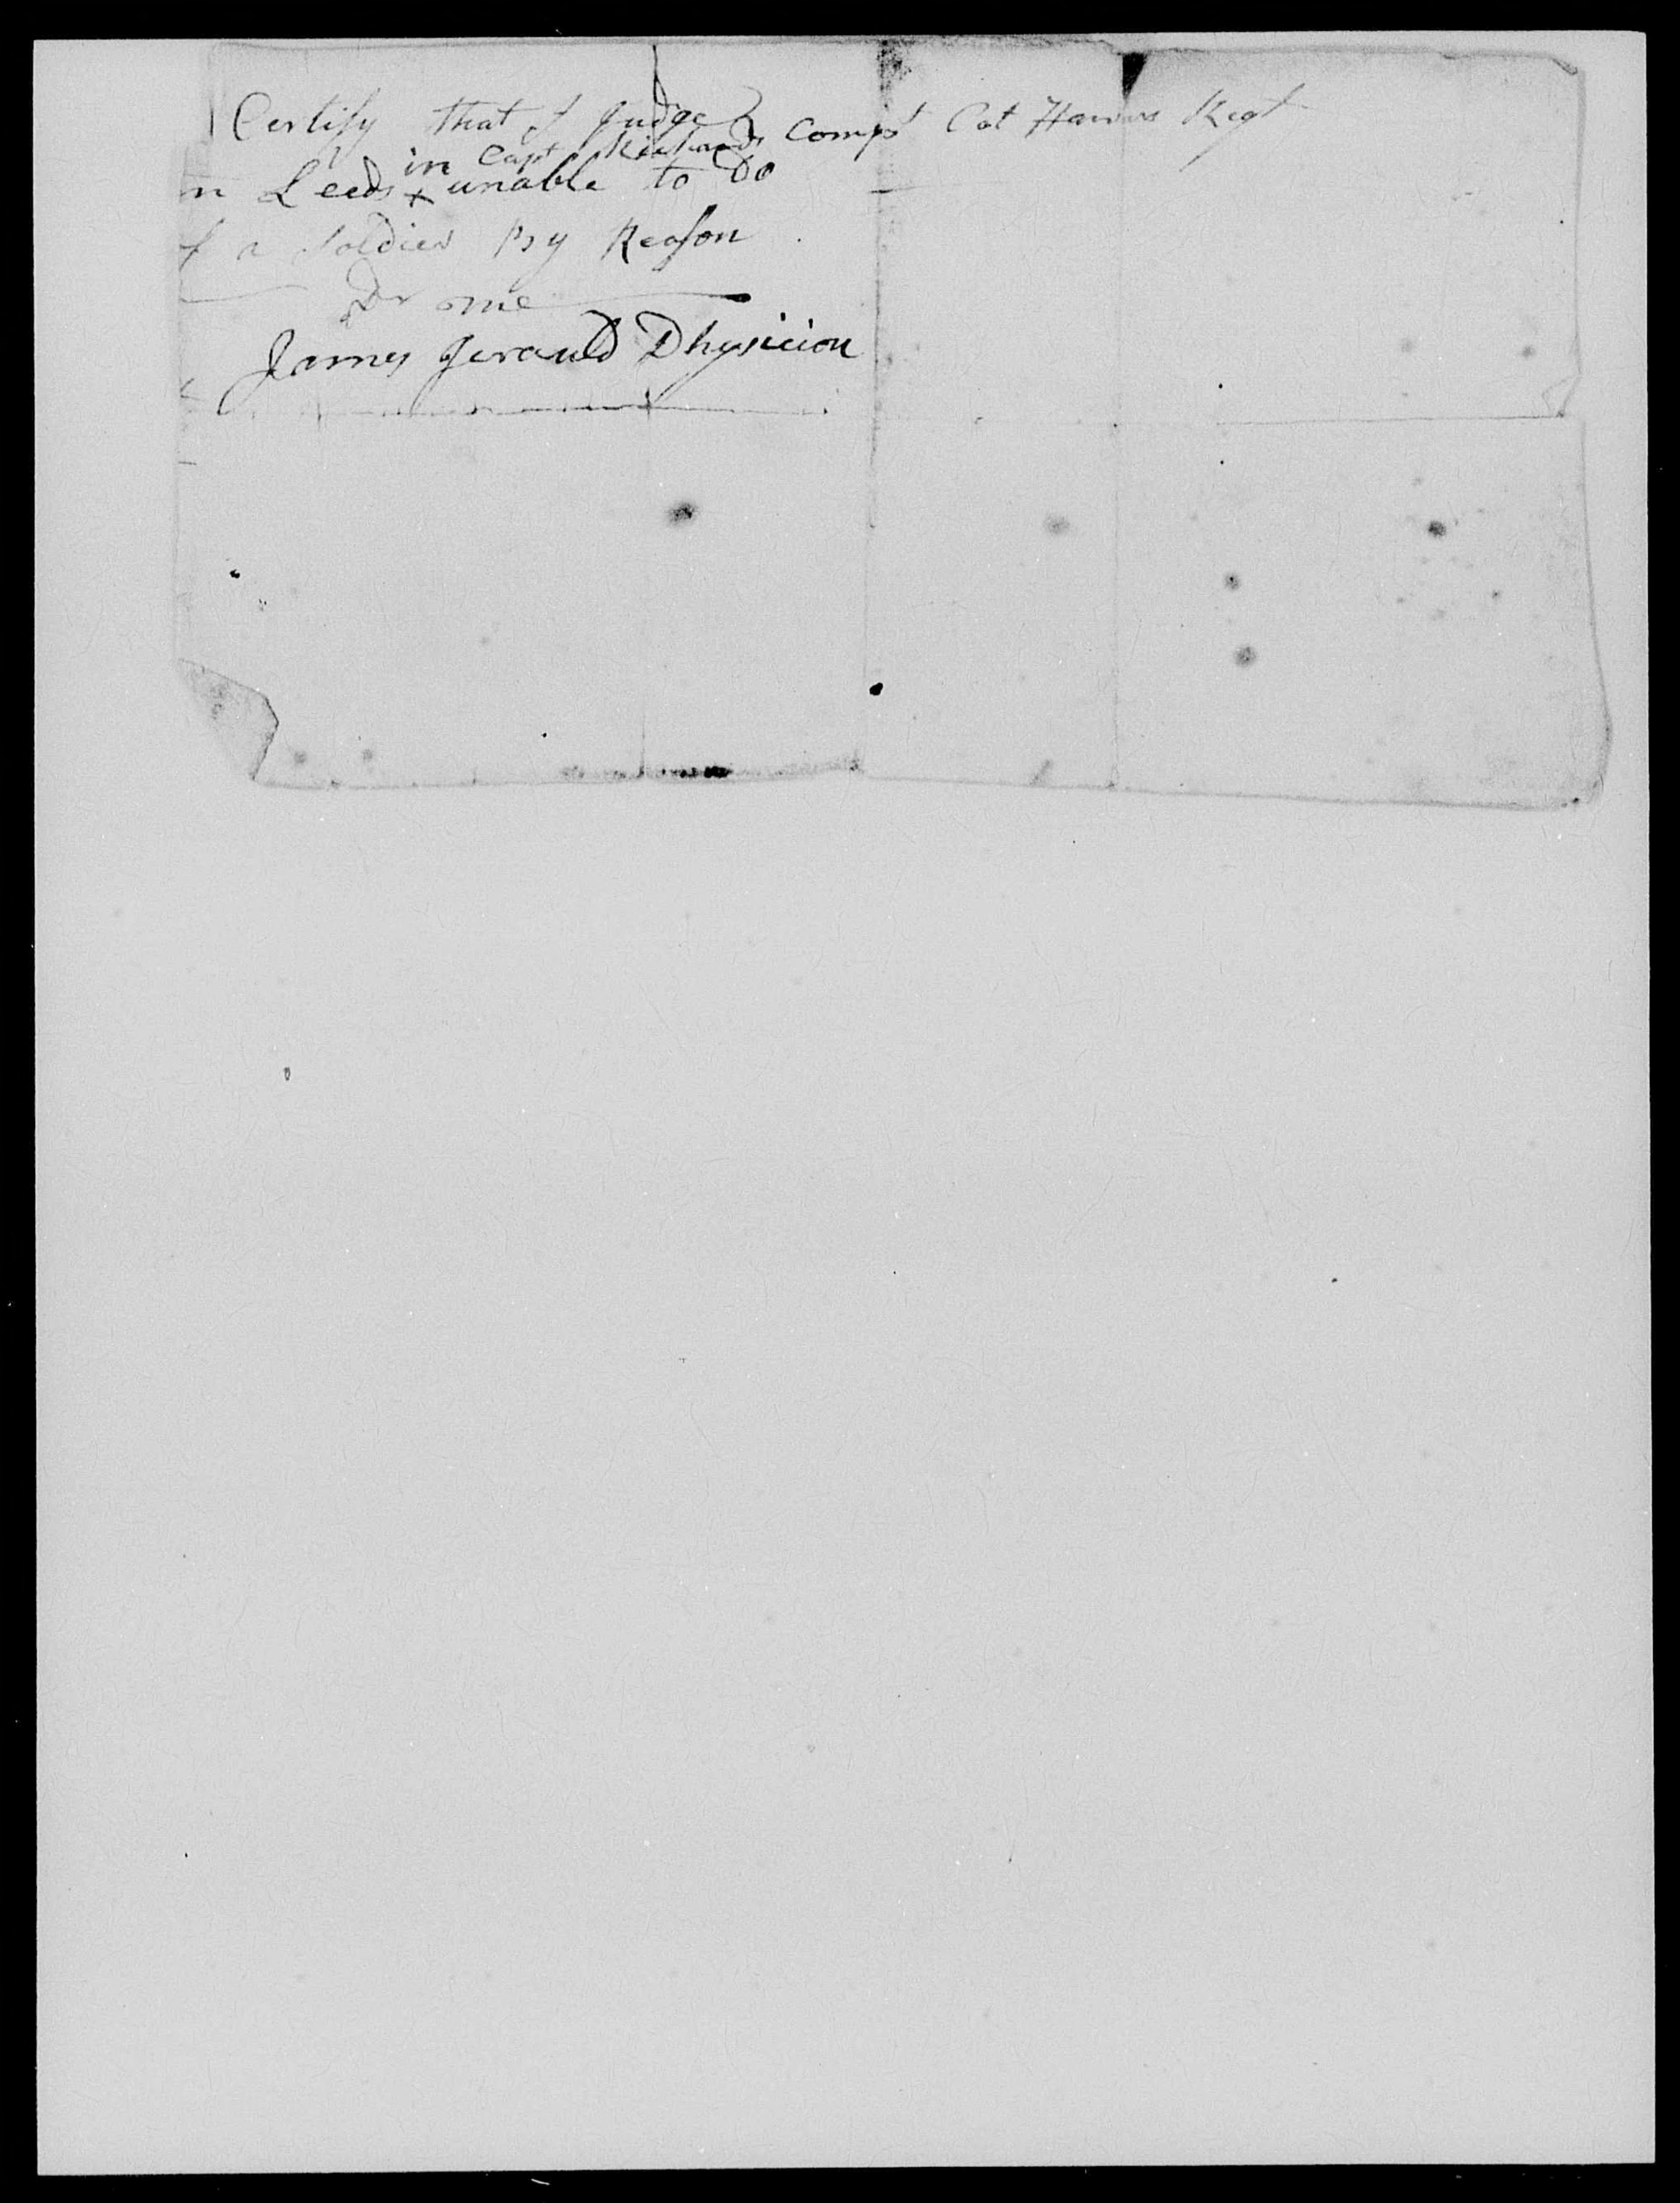Certify that I judge 
Nathan Leeds in Capt. Richard Comp Col H[illegible] Regt
unable to do [illegible] of a soldier by reason [illegible]
by me James Jerauld Physician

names: [ILLEGIBLE] Leeds; James Jerauld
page: 23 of 33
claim: widow's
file: W. 21,567, for Nathan Leeds, Massachusetts